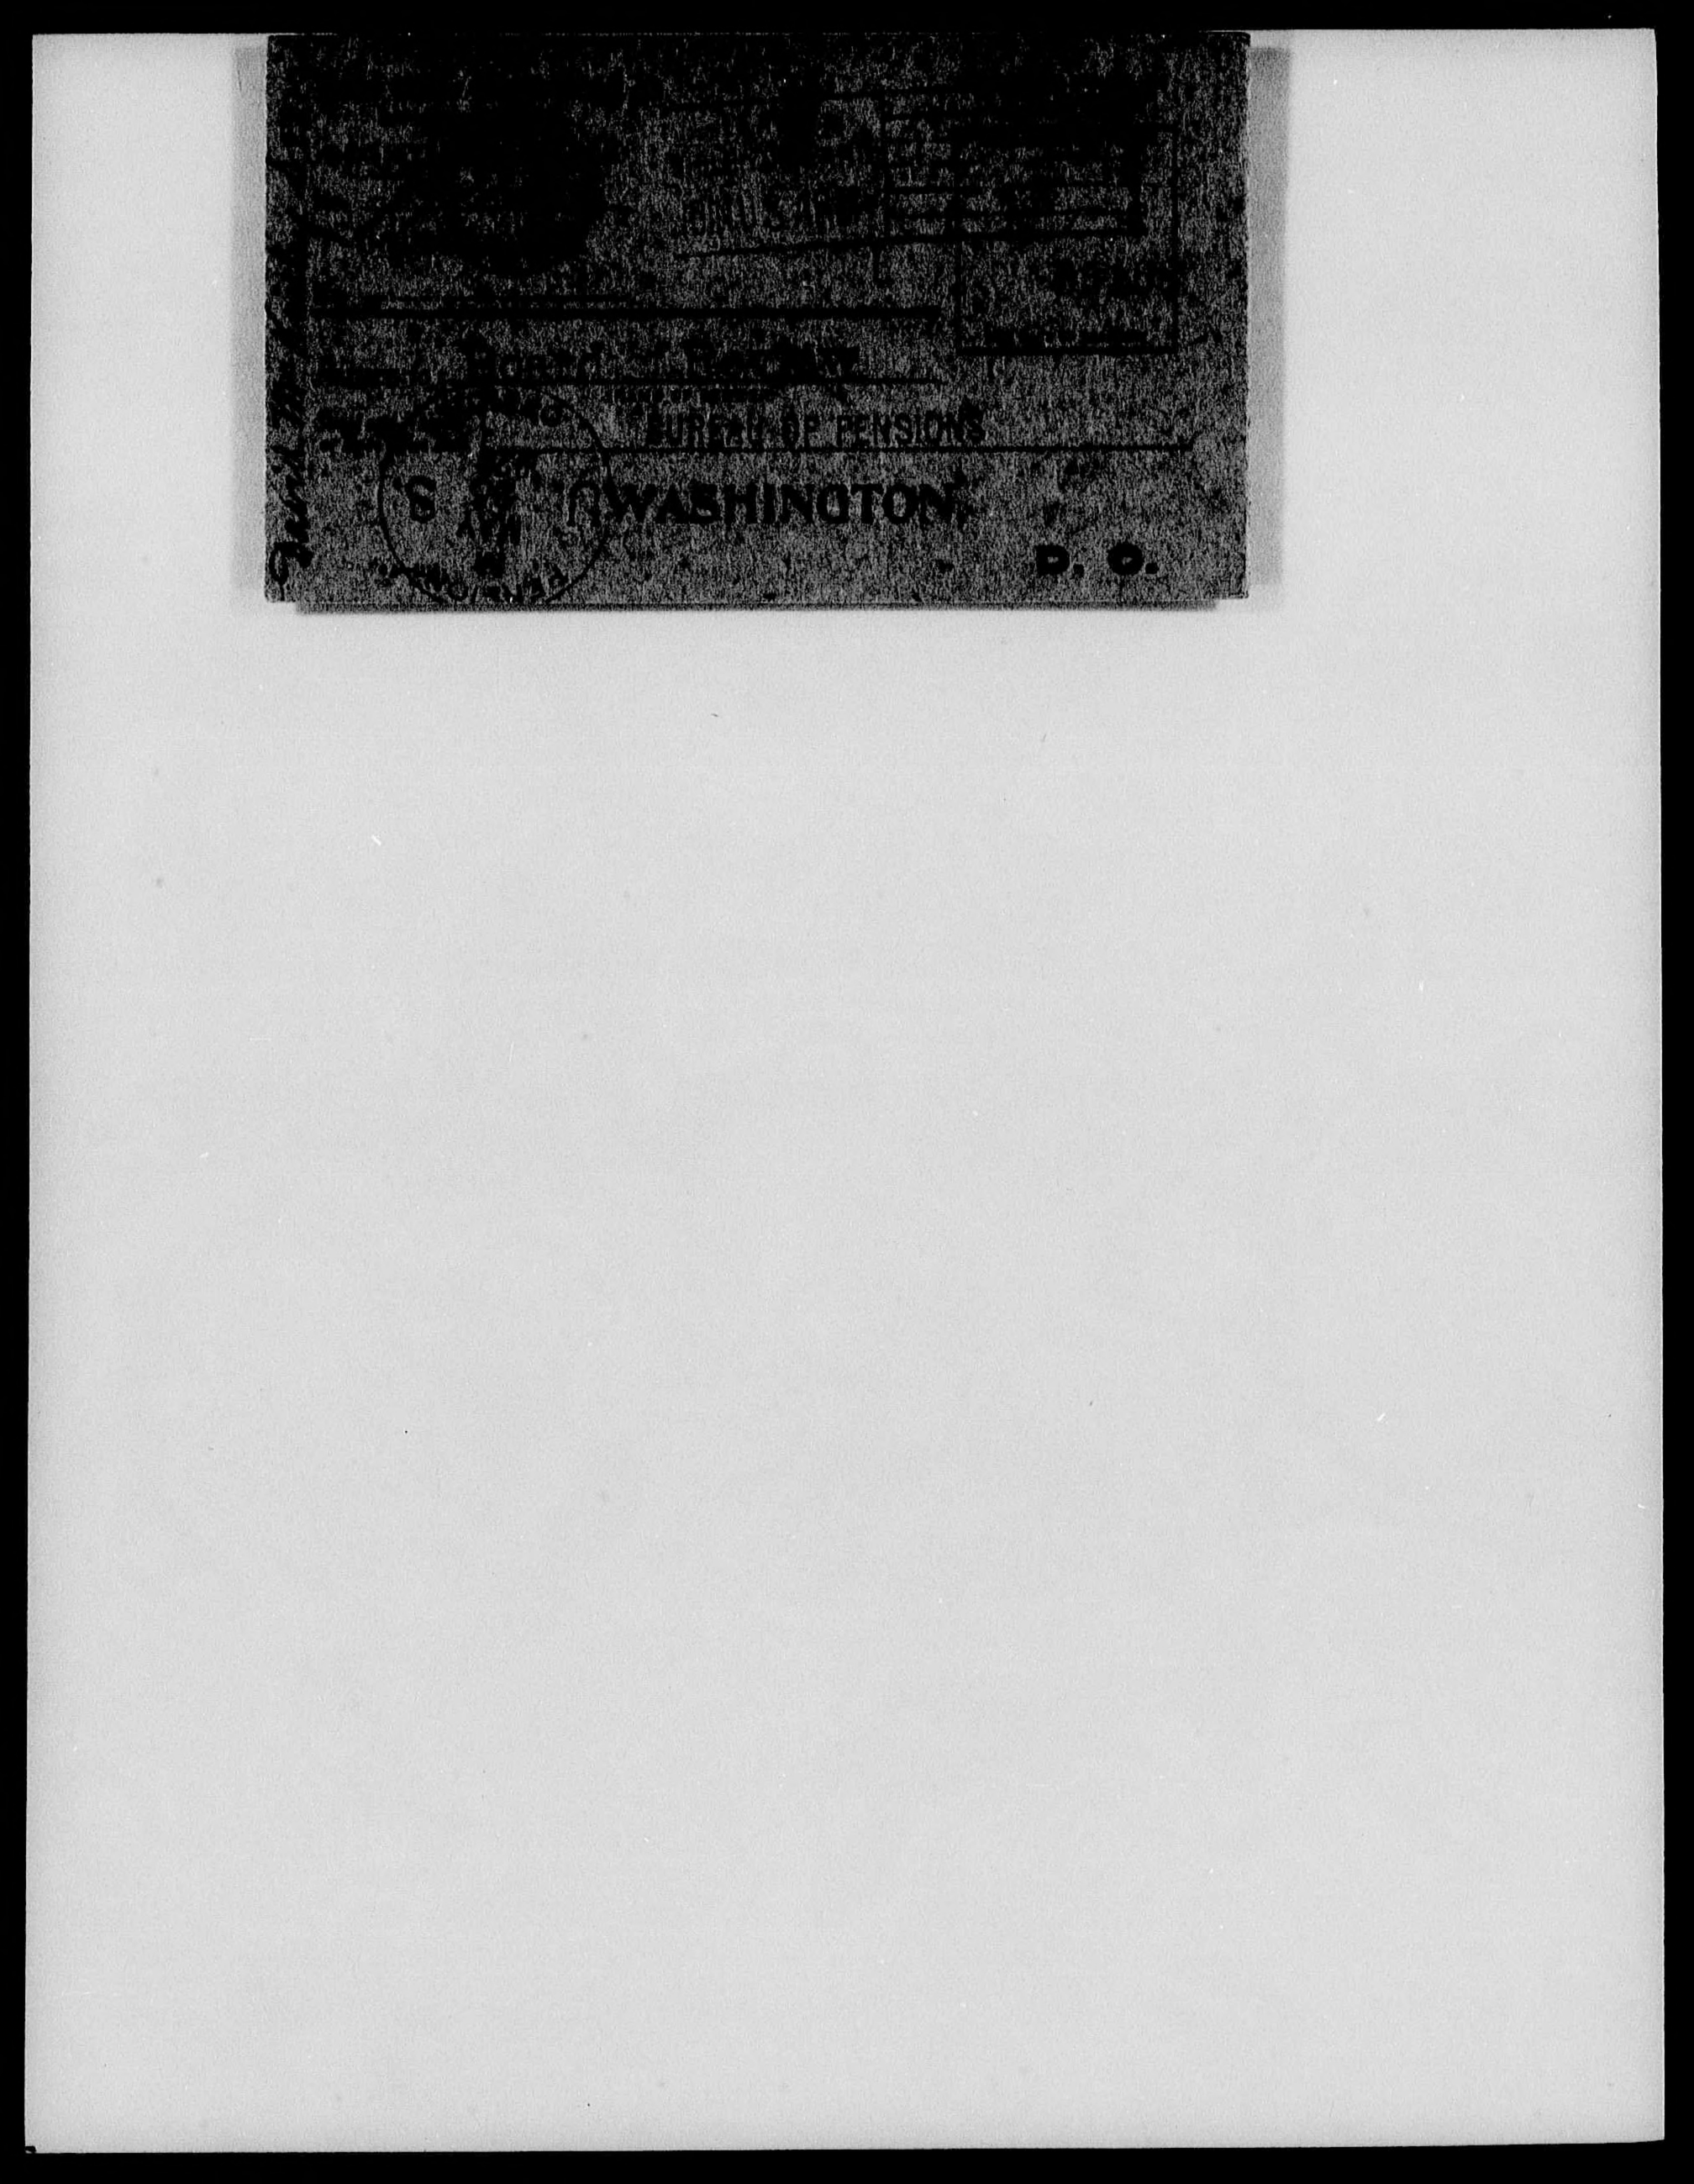[dark scan, perhaps an envelope, mostly illegible]

BUREAU OF PENSIONS

[postmark?]

WASHINGTON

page: 20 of 39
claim: survivor's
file: S. 2812, for David Mc Kinley, Pennsylvania